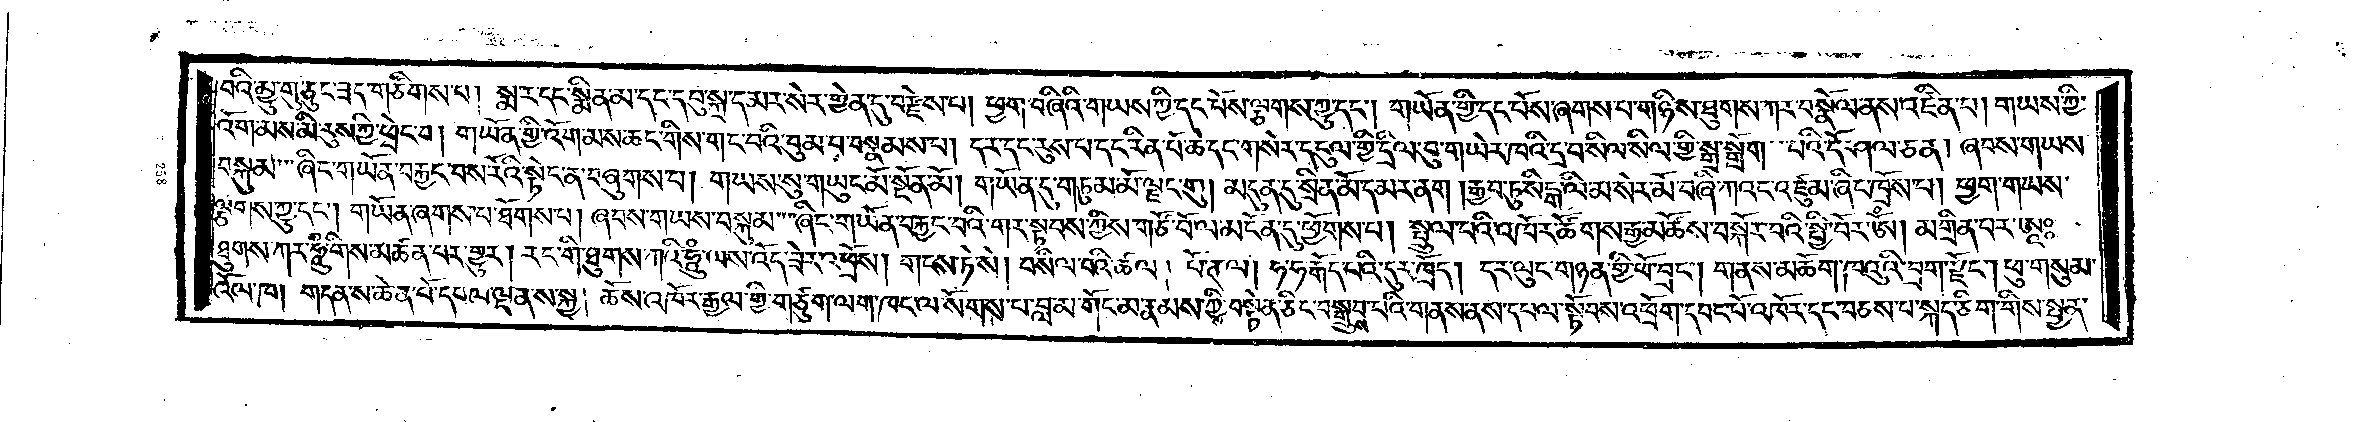བའི་མྱུ་གུ་ཅུང་ཟད་གཙིགས་པ། སྨར་དང་སྨིན་མ་དང་དབུ་སྐྲ་དམར་སེར་གྱེན་དུ་བརྫེས་པ། ཕྱག་བཞིའི་གཡས་ཀྱི་དང་པོས་ལྕགས་ཀྱུ་དང་། གཡོན་གྱི་དང་པོས་ཞགས་པ་གཉིས་ཐུགས་ཀར་བསྣོལ་ནས་འཛིན་པ། གཡས་ཀྱི་
འོག་མས་མི་རུས་ཀྱི་ཕྲེང་བ། གཡོན་གྱི་འོག་མས་ཆང་གིས་གང་བའི་བུམ་པ་བསམས་པ། དར་དང་རུས་པ་དང་རིན་པོ་ཆེ་དང་གསེར་དངུལ་གྱི་དྲིལ་བུ་གཡེར་ཁའི་དྲ་བ་སིལ་སིལ་གྱི་སྒྲ་སྒྲོག་པའི་དོ་ཤལ་ཅན། ཞབས་གཡས་
བསྐུམ་ཞིང་གཡོན་བརྒྱང་བས་རོའི་སྟེང་ན་བཞུགས་བ། གཡས་སུ་གཡུང་མོ་སྔོན་མོ། གཡོན་དུ་གཏུམ་མོ་ལྗང་གུ། མདུན་དུ་སྲིན་མོ་དམར་ནག །རྒྱབ་ཏུ་སིངྒ་ལི་མ་སེར་མོ་བཞི་ཀའང་འཛུམ་ཞིང་ཁྲོས་པ། ཕྱག་གཡས་
ལྕགས་ཀྱུ་དང་། གཡོན་ཞགས་པ་ཐོགས་པ། ཞབས་གཡས་བསྐུམ་ཞིང་གཡོན་བསྐྱང་བའི་གར་སྟབས་ཀྱིས་གཙོ་བོ་ལ་མངོན་དུ་ཕྱོགས་པ། སྤྲུལ་པའི་འཁོར་ཚོགས་རྒྱ་མཚོས་བསྐོར་བའི་སྤྱི་བོར་ཨོཾ། མགྲིན་བར་ཨཱཿ
ཐུགས་ཀར་ཧཱུཾ་གིས་མཚན་པར་གྱུར། རང་གི་ཐུགས་ཀའི་ཧཱུཾ་ལས་འོད་ཟེར་འཕྲོས། གངས་ཏེ་སེ། བསིལ་བའི་ཚལ། བོ་ཏ་ལ། ཧ་ཧ་རྒོད་པའི་དུར་ཁྲོད། དར་ལུང་གཉན་གྱི་ཕོ་བྲང་། གནས་མཆོག་ཁའུའི་བྲག་རྫོང་། ཕུ་གསུམ་
འོལ་ཁ། གདན་ས་ཆེན་པོ་དཔལ་ལྡན་ས་སྐྱ། ཆོས་འཁོར་རྒྱལ་གྱི་གཙུག་ལག་ཁང་ལ་སོགས་པ་བླ་མ་གོང་མ་རྣམས་ཀྱིས་བསྟེན་ཅིང་བསྒྲུབས་པའི་གནས་ནས་དཔལ་སྟོབས་འབྲོག་དབང་པོ་འཁོར་དང་བཅས་བ་སྐད་ཅིག་གིས་སྤྱན་